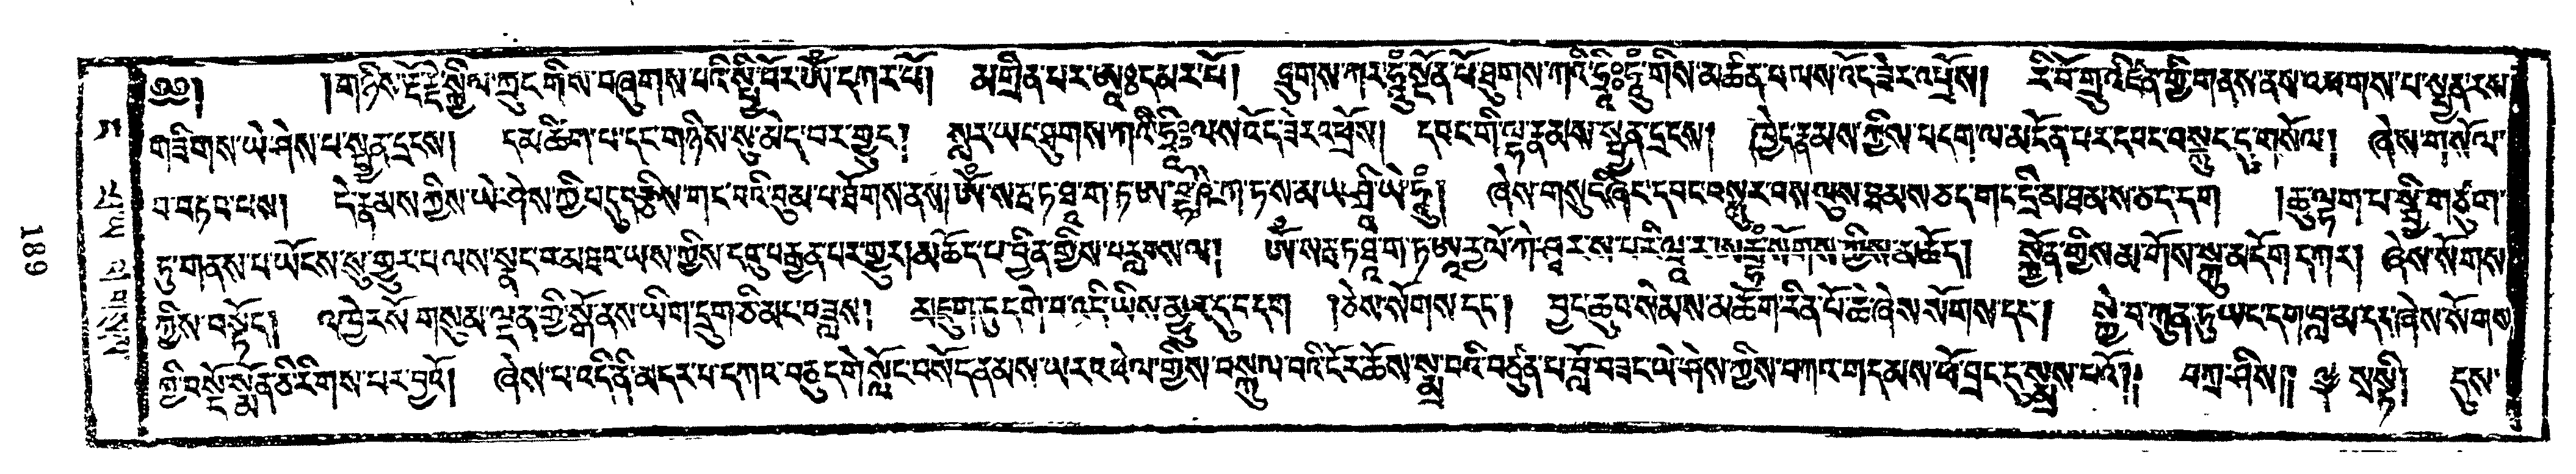༄༅། །གཉིས་རྡོ་རྗེ་སྐྱིལ་ཀྲུང་གིས་བཞུགས་པའི་སྤྱི་བོར་ཨོཾ་དཀར་པོ། མགྲིན་པར་ཨཱཿ དམར་པོ། ཐུགས་ཀར་ཧཱུཾ་སྔོན་པོ་ཐུགས་ཀའི་ཧྲཱིཿ ཧཱུཾ་གིས་མཚན་པ་ལས་འོད་ཟེར་འཕྲོས། རི་བོ་གྲུ་འཛིན་གྱི་གནས་ནས་འཕགས་པ་སྤྱན་རས་
གཟིགས་ཡེ་ཤེས་པ་སྤྱན་དྲངས། དམ་ཚིག་པ་དང་གཉིས་སུ་མེད་བར་གྱུང་། སླར་ཡང་ཐུགས་ཀའི་ཧྲཱིཿ ལས་འོད་ཟེར་འཕྲོས། དབང་གི་ལྷ་རྣམས་སྤྱན་དྲངས། ཁྱེད་རྣམས་ཀྱིས་བདག་ལ་མངོན་པར་དབང་བསྐུང་དུ་གསོལ། ཞེས་གསོལ་
བ་བཏབ་པས། དེ་རྣམས་ཀྱིས་ཡེ་ཤེས་ཀྱི་བདུད་རྩིས་གང་བའི་བུམ་པ་ཐོགས་ནས། ཨོཾ་སརྦ་ཏ་ཐཱ་ག་ཏ་ཨ་བྷི་ཥེ་ཀ་ཏ་ས་མ་ཡ་ཤྲཱི་ཡེ་ཧཱུཾ། ཞེས་གསུང་ཞིང་དབང་བསྐུར་བས་ལུས་ཐམས་ཅད་གང་དྲི་མ་ཐམས་ཅད་དག །ཆུ་ལྷག་པ་སྤྱི་གཙུག་
ཏུ་གནས་པ་ཡོངས་སུ་གྱུར་པ་ལས་སྣང་བ་མཐའ་ཡས་ཀྱིས་དབུ་བརྒྱན་པར་གྱུར་།མཆོད་པ་བྱིན་གྱིས་བརླབས་ལ། ཨོཾ་སརྦ་ཏ་ཐཱ་ག་ཏ་ཨཱརྱ་ལོ་ཀེ་ཤཱ་ར་ས་པ་རི་ཝཱ་ར་ཨརྒྷཾ་སོགས་ཀྱིས་མཆོད། སྐྱོན་གྱིས་མ་གོས་སྐུ་མདོག་དཀར། ཞེས་སོགས་
ཀྱིས་བསྟོད། འཁྱེར་སོ་གསུམ་ལྡན་གྱི་སྒོ་ནས་ཡིག་དྲུག་ཅི་མང་བཟླས། མཇུག་ཏུ་དགེ་བ་འདི་ཡིས་མྱུར་དུ་བདག །ཅེས་སོགས་དང་། བྱང་ཆུབ་སེམས་མཆོག་རིན་པོ་ཆེ་ཞེས་སོགས་དང་། སྐྱེ་བ་ཀུན་ཏུ་ཡང་དག་བླ་མ་དང་ཞེས་སོགས་
ཀྱི་བསྔོ་སྨོན་ཅི་རིགས་པར་བྱའོ། ཞེས་པ་འདི་ནི་མདར་པ་དཀའ་བཅུ་དགེ་སློང་བསོད་ནམས་ཡར་འཕེལ་གྱིས་བསྐུལ་བའི་ངོར་ཆོས་སྨྲ་བའི་བཙུན་པ་བློ་བཟང་ཡེ་ཤེས་ཀྱིས་བཀའ་གདམས་ཕོ་བྲང་དུ་སྨྲས་པའོ།། བཀྲ་ཤིས།། ༈ སྭསྟི། དུས་